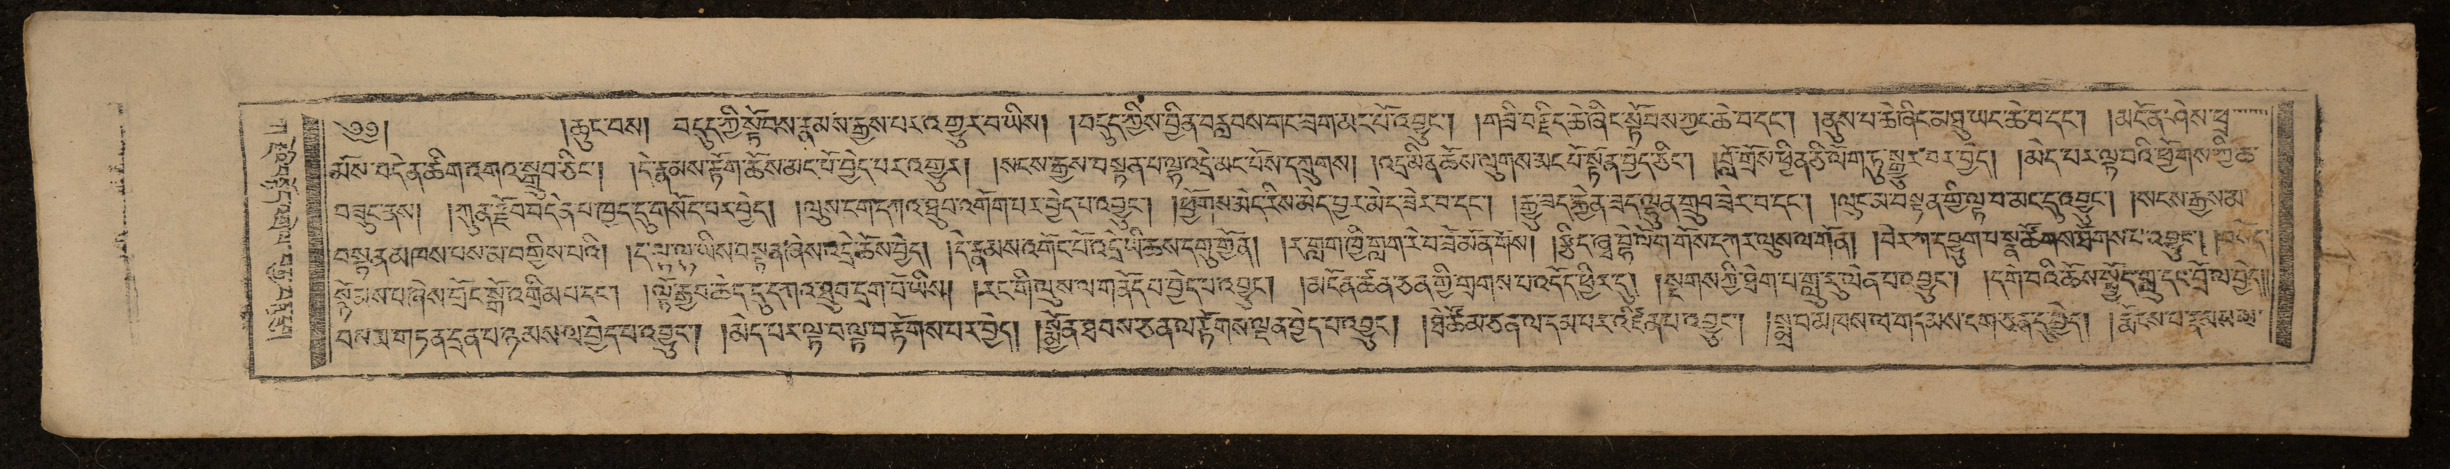༄༅། །ཆུང་ངས། བདུད་ཁྱི་སྟོབས་རྣམས་རྒྱས་པར་འགྱུར་པ་ཡིས། །ཕ་དུད་ཀྱིས་བྱིན་བརླབས་གང་ཟག་མང་པོ་འབྱུང་། །གཟི་བརྗིད་ཆེ་ཞིང་སྟོབས་ཀྱང་ཆེ་བ་དང་། །ནུས་པ་ཆེ་ཞིང་མཐུ་ཡང་ཆེ་བ་དང་། །མངོན་ཤེས་ཕྲ་
མོས་བདེན་ཚིག་འགའ་སྒྲུབ་ཅིང་། །དེ་རྣམས་རྟོག་ཆོས་མང་པོ་བྱེད་པར་འགྱུར། །སངས་རྒྱས་བསྟན་པ་ལྟ་འདྲེ་མང་པོས་དཀྲུགས། །འདྲ་མིན་ཆོས་ལུགས་མང་པོ་སྟོན་བྱེད་ཅིང་། །བློ་གྲོས་ཕྱིན་ཅི་ལོག་ཏུ་སྒྱུར་པར་བྱེད། །མེད་པར་ལྟ་བའི་ཕྱོགས་ཀྱི་ཆ་
བཟུང་ནས། །ཀུན་རྫོབ་བདེན་པ་ཁྱད་དུ་གསོད་པ་འབྱེད། །ལུས་ངག་དཀའ་ཐུབ་འགོག་པར་བྱེད་པ་འབྱུང་། །ཕྱོགས་མེད་རིས་མེད་བྱར་མེད་ཟེར་པ་དང་། །རྒྱུ་ཟད་རྐྱེན་ཟད་ལྷུན་གྲུབ་ཟེང་བ་དང་། །ལུང་མ་བསྟན་གྱི་ལྷ་འདྲེ་མང་དུ་འབྱུང་། །སངས་རྒྱས་མ་
བསྟན་མཁས་པས་མ་བགྱིས་པའི། །ད་ལྟ་ལྷ་ཡིས་བསྟན་ཞེས་འདྲེ་ཆོས་བྱེད། །དེ་རྣམས་འགོང་པོ་འདྲེ་ཡི་ཆས་དགུ་གྱོན། །ར་གླག་ཁྱི་གླག་རེ་བ་ཟོ་མོན་གོས། །རྩིད་ཞྭ་བྷེ་ལོག་གོས་དཀར་ལུས་ལ་གོན། །བེར་ཀ་དབྱུག་པ་སྣ་ཚོགས་ཐོགས་པ་འབྱུང་། །བསོད་
སྙོམས་པ་ཞེས་གྲོང་སྒོ་འགྲིམ་པ་དང་། །ལྟོ་རྒྱབ་ཆེད་དུ་དཀའ་ཐུབ་དྲག་པོ་ཡིས། །རང་གི་ལུས་ལ་གནོད་པ་བྱེད་པ་འབྱུང་། །མངོན་ཚན་ཅན་གྱི་གྲ་གསང་འདོད་ཕྱིར་དུ། །སྔགས་ཀྱི་ཐེག་པ་གླུ་རུ་ལེན་པ་འབྱུང་། །དགེ་བའི་ཆོས་སྤྱོད་གླུ་དང་བྲོ་འཁྱེད།།
བསམ་གཏན་དྲན་པ་ཉམས་ལ་བྱེད་པ་འབྱུང་། །མེད་པར་ལྟ་བ་ལྟང་རྟོགས་པར་བྱེད། །སྨྱོན་ཐབས་ཅན་ལ་རྟོགས་ལྡན་བྱེད་པ་འབྱུང་། །ཐེ་ཚོམ་ཅན་ལ་དམ་པར་འཛིན་པ་འབྱུང་། །སྨྲ་བ་མ་ལས་ལ་གདམས་ངག་ཅན་དུ་བྱེད། །རྨོངས་པ་རྣམས་ལ་